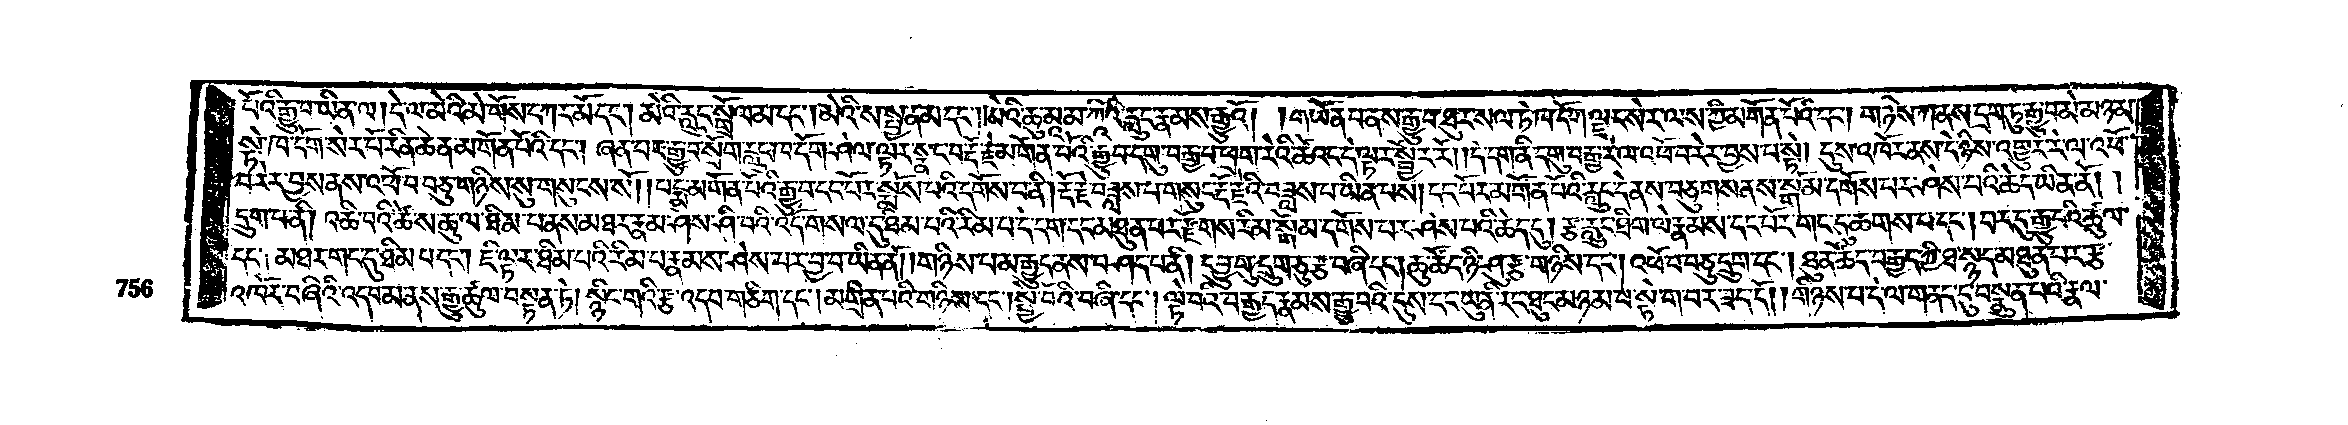པོའི་རྒྱུ་བ་ཡིན་ལ། དེ་ལ་མེའི་མེ་གོས་དཀར་མོ་དང་། མེའི་རླུང་སྒྲོལ་མ་དང་། མེའི་ས་སྤྱན་མ་དང་། མེའི་ཆུ་མཱ་མ་ཀིཥཱི་རླུང་རྣམས་རྒྱུའོ། །གཡོན་པ་ནས་རྒྱུ་བ་ཐུར་སེལ་ཏེ་ཁ་དོག་ལྗང་སེར་ལས་ཀྱི་མགོན་པོའི་དང་། གཉིས་ཀ་ནས་དྲག་ཏུ་རྒྱུ་བ་མེ་མཉམ་
སྟེ་ཁ་དོག་སེར་པོ་རིན་ཆན་མགོན་པོའི་དང་། ཞན་པར་རྒྱུ་བ་སྲོག་རླུང་ཁ་དོག་ཤེལ་ལྟར་སྣང་བ་རྡོ་རྗེ་མགོན་པོའི་རྒྱུ་བ་དགུ་བརྒྱ་བ་ཕྲག་རེའི་ཚེའང་དེ་ལྟར་སྦྱོར་རོ། །དེ་དག་ནི་དགུ་བརྒྱ་རེ་ལ་འཕོ་བ་རེར་བྱས་པ་སྟེ། དུས་འཁོར་ནས་དེ་ཉིས་འགྱུར་རེལ་འཕོ་
བ་རེར་བྱས་ནས་འཕོ་བ་བཅུ་གཉིས་སུ་གསུངས་སོ། །པདམ་མགོན་པོའི་རྒྱུ་བ་དང་པོར་སྨོས་པའི་དགོས་པ་ནི། རྡོ་རྗེ་བཟླས་པ་གསུང་རྡོ་རྗེའི་བཟླས་པ་ཡིན་པས། དང་པོར་མགོན་པོའི་རླུང་དེ་ནས་བཅུགས་ནས་སྒོམ་དགོས་པར་ཤེས་པའི་ཆེད་ཡིན་ནོ། །
དྲུག་པ་ནི། འཆི་བའི་ཚེ་ས་ཆུ་ལ་ཐིམ་པ་ནས་མཐར་རྣམ་ཤེས་ཤི་བའི་འོད་གསལ་དུ་ཐིམ་པའི་རིམ་པ་དེ་དག་དང་མཐུན་པར་རྫོགས་རིམ་སྒོམ་དགོས་པར་ཤེས་པའི་ཆེད་དུ། རྩ་རླུང་ཐིག་ལེ་རྣམས་དང་པོར་གང་དུ་ཆགས་པ་དང་། བར་དུ་རྒྱུ་བའི་ཚུལ་
དང་། མཐར་གང་དུ་ཐིམ་པ་དང་། ཇི་ལྟར་ཐིམ་པའི་རིམ་པ་རྣམས་ཤེས་པར་བྱ་བ་ཡིན་ནོ། །གཉིས་པ་མ་རྒྱུད་ནས་བཤད་པ་ནི། དབྱུ་གུ་དྲུག་ཅུ་རྩ་བཞི་དང་། ཆུ་ཚོད་ཉི་ཤུ་རྩ་གཉིས་དང་། འཕོ་བ་བཅུ་དྲུག་དང་། ཐུན་ཚོད་བརྒྱད་ཀྱི་ཐ་སྙད་མཐུན་པར་རྩ་
འཁོར་བཞིའི་འདབ་མ་ནས་རྒྱུ་ཚུལ་བསྟན་ཏེ། སྙིང་གའི་རྩ་འདབ་གཅིག་དང་། མགྲིན་པའི་གཉེས་དང་། སྤྱི་བོའི་བཞི་དང་། ལྟེ་བའི་བརྒྱད་རྣམས་རྒྱུ་བའི་དུས་དང་ཡུན་རིང་ཐུང་མཉམ་པ་སྟེ་ག་བར་ཟད་དོ། །གཉིས་པ་དེ་ལ་གནད་དུ་བསྣུན་པའི་རྣལ་